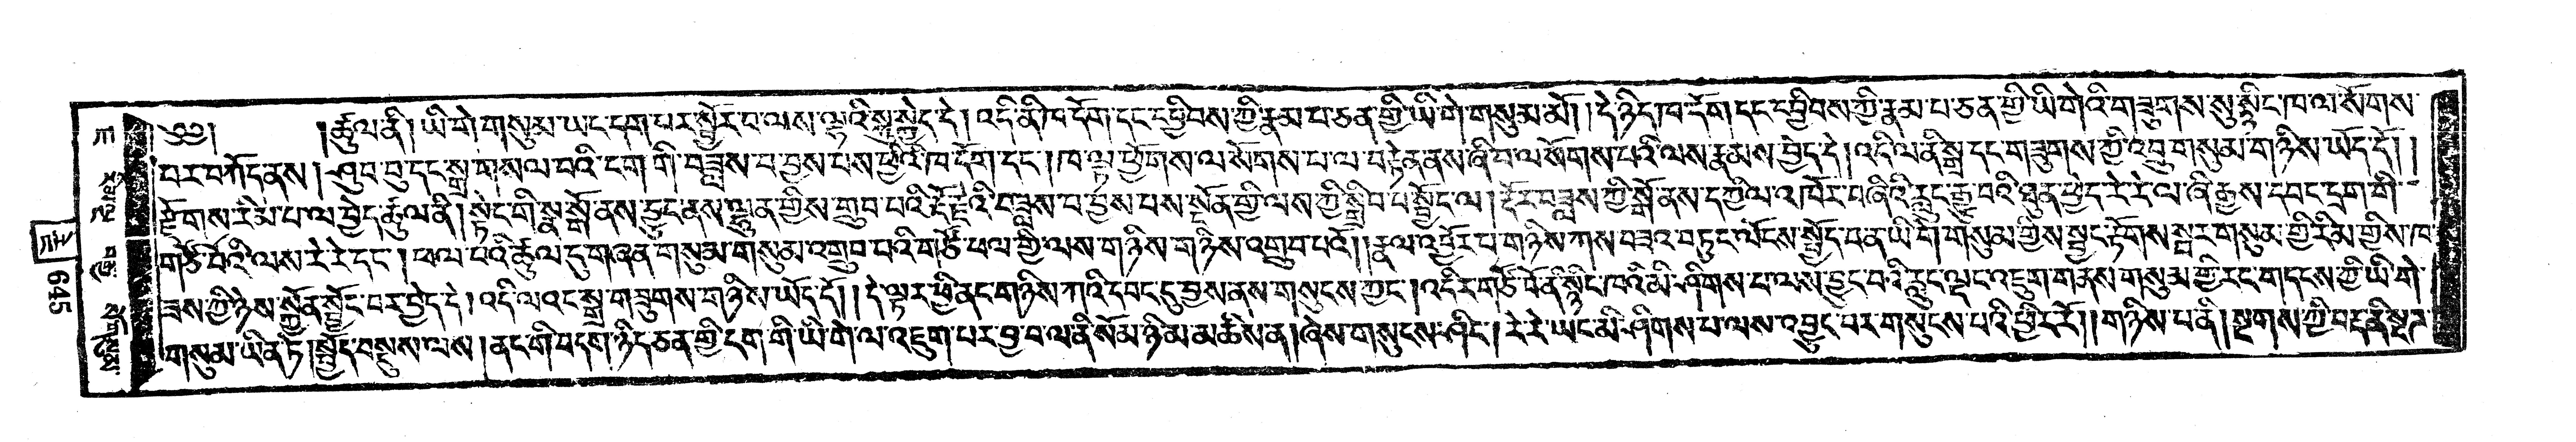༄༅། །ཚུལ་ནི། ཡི་གེ་གསུམ་ཡང་དག་པར་སྦྱོར་བ་ལས་ལྷའི་སྐུ་སྐྱེད་དེ། འདི་ནི་ཁ་དོག་དང་དབྱིབས་ཀྱི་རྣམ་པ་ཅན་གྱི་ཡི་གེ་གསུམ་མོ། །དེ་ཉིད་ཁ་དོག་དང་དབྱིབས་ཀྱི་རྣམ་པ་ཅན་གྱི་ཡི་གེའི་གཟུགས་སུ་སྙིང་ཁ་ལ་སོགས་
པར་བཀོད་ནས། ཤུབ་བུ་དང་སྒྲ་གསལ་བའི་ངག་གི་བཟླས་པ་བྱས་པས་བྱའི་ཁ་དོག་དང་། ཁ་ལྟ་ཕྱོགས་ལ་སོགས་པ་ལ་བརྟེན་ནས་ཞི་བ་ལ་སོགས་པའི་ལས་རྣམས་བྱེད་དེ། འདི་ལ་ནི་སྒྲ་དང་གཟུགས་ཀྱི་འབྲུ་གསུམ་གཉིས་ཡོད་དོ། །
རྫོགས་རིམ་པ་ལ་བྱེད་ཚུལ་ནི། སྟེང་གི་སྣ་སྒོ་ནས་བྱུང་ནས་ལྷུན་གྱིས་གྲུབ་པའི་རྡོ་རྗེའི་བཟླས་པ་བྱས་པས་སྔོན་གྱི་ལས་ཀྱི་སྒྲིབ་པ་སྤྱོད་ལ། རྡོར་བཟླས་ཀྱི་སྒོ་ནས་དཀྱིལ་འཁོར་བཞིའི་རླུང་རྒྱུ་བའི་ཐུན་ཕྱེད་རེ་རེ་ལ་ཞི་རྒྱས་དབང་དྲག་གི་
གཙོ་བོའི་ལས་རེ་རེ་དང་། ཕལ་པའི་ཚུལ་དུ་གཞན་གསུམ་གསུམ་འགྲུབ་པའི་གཙོ་ཕལ་གྱི་ལས་གཉིས་གཉིས་འགྲུབ་པའོ། །རྣལ་འབྱོར་པ་གཉིས་ཀས་བཟའ་བཏུང་ལོངས་སྤྱོད་པ་ན་ཡི་གེ་གསུམ་གྱིས་སྦྱང་རྟོགས་སྦར་གསུམ་གྱི་རིམ་གྱིས་ཁ་
ཟས་ཀྱི་ཉེས་སྐྱོན་སྦྱོང་བར་བྱེད་དེ། འདི་ལའང་སྒྲ་གཟུགས་གཉིས་ཡོད་དོ། །དེ་ལྟར་ཕྱི་ནང་གཉིས་ཀའི་དབང་དུ་བྱས་ནས་གསུངས་ཀྱང་། འདིར་གཙོ་བོ་ནི་སྙིང་ཁའི་མི་ཤིགས་པ་ལས་བྱུང་བའི་རླུང་ལྡང་འཇུག་གནས་གསུམ་གྱི་རང་གདངས་ཀྱི་ཡི་གེ་
གསུམ་ཡིན་ཏེ། སྤྱོད་བསྡུས་ལས། ནང་གི་བདག་ཉིད་ཅན་གྱི་ངག་གི་ཡི་གེ་ལ་འཇུག་པར་བྱ་བ་ལ་ནི་སོམ་ཉི་མ་མཆིས་ན། ཞེས་གསུངས་ཤིང་། རེ་རེ་ཡང་མི་ཤིགས་པ་ལས་འབྱུང་བར་གསུངས་པའི་ཕྱིར་རོ། །གཉིས་པ་ནི། སྔགས་ཀྱི་བརྡ་ནི་སྔགས་